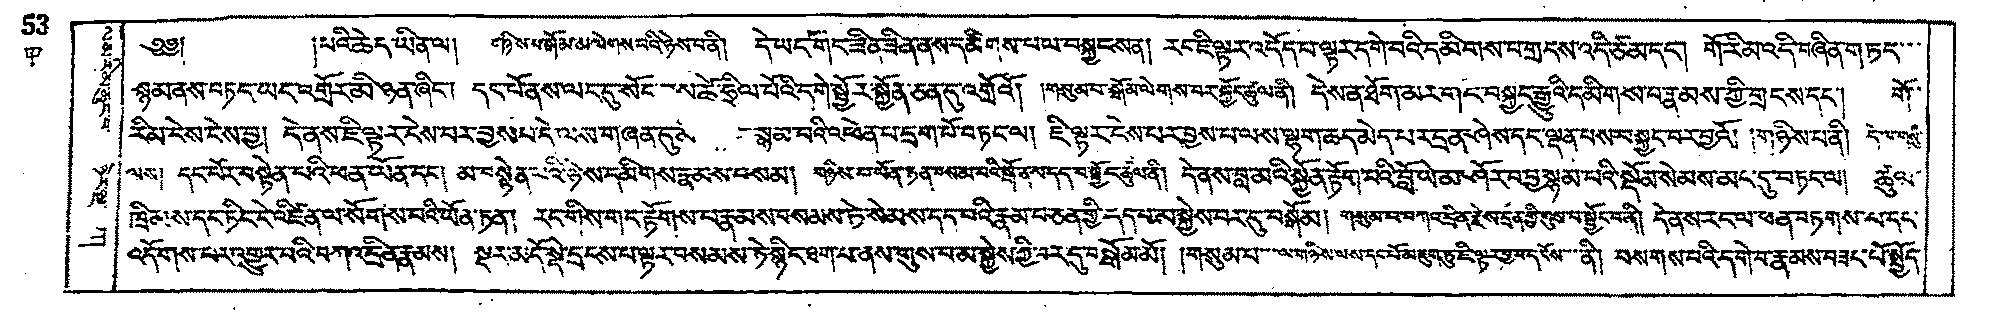༄༅། །པའི་ཆེད་ཡིན་ལ། གཉིས་པ་སྒོམ་མ་ལེགས་པའི་ཉེས་པ་ནི། དེ་ཡང་གང་ཟིན་ཟིན་ནས་དམིགས་པ་ལ་བསྐྱངས་ན། རང་ཇི་ལྟར་འདོད་པ་ལྟར་དགེ་བའི་དམིགས་པ་གྲངས་འདི་ཙམ་དང་། གོ་རིམ་འདི་བཞིན་གཏང་
སྙམ་ནས་བཏང་ཡང་འགྲོར་མི་ཉན་ཞིང་། དང་པོ་ནས་ལང་དུ་སོང་བས་ཚེ་ཧྲིལ་པོའི་དགེ་སྦྱོར་སྐྱོན་ཅན་དུ་འགྲོའོ། ། གསུམ་པ་སྒོམ་ལེགས་པར་སྐྱོང་ཚུལ་ནི། དེས་ན་ཐོག་མར་གང་བསྐྱང་རྒྱུའི་དམིགས་པ་རྣམས་ཀྱི་གྲངས་དང་། གོ་
རིམ་ངེས་ངེས་བྱ། དེ་ནས་ཇི་ལྟར་ངེས་པར་བྱས་པ་དེ་ལས་གཞན་དུ་མི་?་སྙམ་པའི་འཕེན་པ་དྲག་པོ་བཏང་ལ། ཇི་ལྟར་ངེས་པར་བྱས་པ་ལས་ལྷག་ཆད་མེད་པར་དྲན་ཤེས་དང་ལྡན་པས་བསྐྱང་བར་བྱའོ། །གཉིས་པ་ནི། དེ་ལ་གསུཾ་
ལས། དང་པོར་བསྟེན་པའི་ཕན་ཡོན་དང་། མ་བསྟེན་པའི་ཉེས་དམིགས་རྣམས་བསམ། གཉིས་པ་ཡོན་ཏན་བསམ་པའི་སྒོ་ནས་དད་པ་སྦྱོང་ཚུལ་ནི། དེ་ནས་བླ་མའི་སྐྱོན་རྟོག་པའི་བློ་ཡེ་མ་ཤོར་བ་བྱ་སྙམ་པའི་སྡོམ་སེམས་མང་དུ་བཏང་ལ། ཚུལ་
ཁྲིམས་དང་ཏིང་ངེ་འཛིན་ལ་སོགས་པའི་ཡོན་ཏན། རང་གིས་གང་རྟོགས་པ་རྣམས་བསམས་ཏེ་སེམས་དད་བའི་རྣམ་པ་ཅན་གྱི་དད་པ་མ་སྐྱེས་བར་དུ་བསྒོམ། གསུམ་པ་བཀའ་དྲིན་རྗེས་དྲན་གྱི་གུས་པ་སྦྱོང་བ་ནི། དེ་ནས་རང་ལ་ཕན་བཏགས་པ་དང་
འདོགས་པར་འགྱུར་བའི་བཀའ་དྲིན་རྣམས། སྔར་མདོ་སྡེ་དྲངས་པ་ལྟར་བསམས་ཏེ་སྙིང་ཐག་པ་ནས་གུས་པ་མ་སྐྱེས་ཀྱི་བར་དུ་བསྒོམ་མོ། །གསུམ་པལ་གཉིས་ལས་དང་པོ་མཇུག་ཏུ་ཇི་ལྟར་བྱ་བ་དངོསནི། བསགས་པའི་དགེ་བ་རྣམས་བཟང་པོ་སྤྱོད་